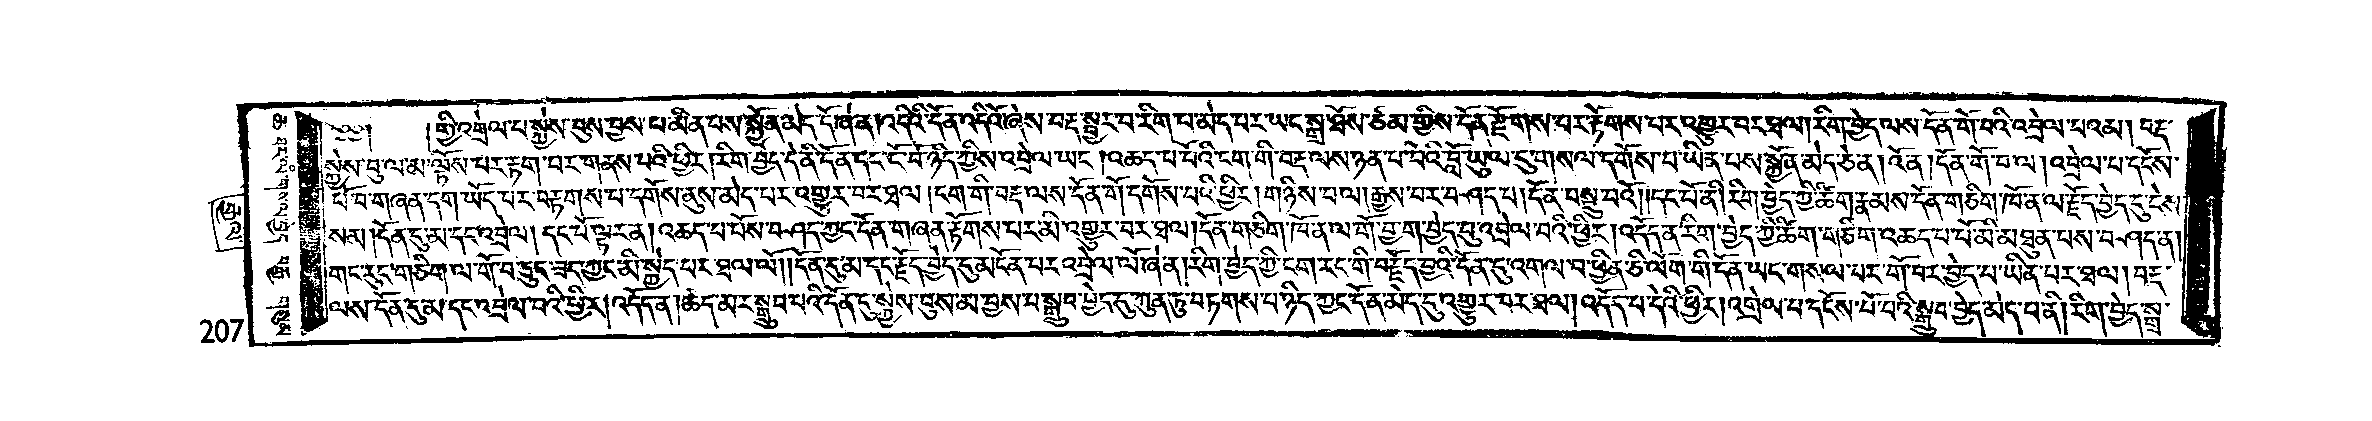༄༅། །གྱི་འགྲེལ་པ་སྐྱེས་བུས་བྱས་པ་མིན་པས་སྐྱོན་མེད་དོ་ཞེ་ན། འདིའི་དོན་འདིའོ་ཞེས་བརྡ་སྦྱར་བ་རིག་པ་མེད་པར་ཡང་སྒྲ་ཐོས་ཙམ་གྱིས་དོན་རྫོགས་པར་རྟོགས་པར་འགྱུར་བར་ཐལ། རིག་བྱེད་ལས་དོན་གོ་བའི་འབྲེལ་པའམ། བརྡ་
སྐྱེས་བུ་ལ་མ་ལྟོས་པར་རྟག་པར་གནས་པའི་ཕྱིར། རིག་བྱེད་དེ་ནི་དོན་དང་ངོ་བོ་ཉིད་ཀྱིས་འབྲེལ་ཡང་། འཆད་པ་པོའི་ངག་གི་བརྡ་ལས་ཉན་པ་པོའི་བློ་ཡུལ་དུ་གསལ་དགོས་པ་ཡིན་པས་སྐྱོན་མེད་ཅེ་ན། འོ་ན། དོན་གོ་བ་ལ། འབྲེལ་པ་དངོས་
པོ་ལ་?་གཞན་དག་ཡོད་པར་བརྟགས་པ་དགོས་ནུས་མེད་པར་འགྱུར་བར་ཐལ། ངག་གི་བརྡ་ལས་དོན་གོ་དགོས་པའི་ཕྱིར། གཉིས་པ་ལ། རྒྱས་པར་བཤད་པ། དོན་བསྡུ་བའོ། །དང་པོ་ནི། རིག་བྱེད་ཀྱི་ཚིག་རྣམས་དོན་གཅིག་ཁོ་ན་ལ་རྗོད་བྱེད་དུ་ངེས་
སམ། དོན་དུ་མ་དང་འབྲེལ། དང་པོ་ལྟར་ན། འཆད་པ་པོས་བཤད་ཀྱང་དོན་གཞན་རྟོགས་པར་མི་འགྱུར་བར་ཐལ། དོན་གཅིག་ཁོ་ན་ལ་གོ་བྱ་གོ་?་བྱེད་བུ་འབྲེལ་བའི་ཕྱིར། འདོད་ན་རིག་བྱེད་ཀྱི་ཚིག་གཅིག་འཆད་པ་པོ་མི་མཐུན་པས་བཤད་ན།
གང་རུང་གཅིག་ལ་གོ་བ་ཅུང་ཟད་ཀྱང་མི་སྐྱེད་པར་ཐལ་ལོ། །དོན་དུ་མ་དང་རྗོད་བྱེད་དུ་མངོན་པར་འབྲེལ་ལོ་ཞེ་ན། རིག་བྱེད་ཀྱི་ངག་རང་གི་བརྗོད་བྱའི་དོན་དུ་འགལ་བ་ཕྱིན་ཅི་ལོག་གི་དོན་ཡང་གསལ་བར་གོ་བར་བྱེད་པ་ཡིན་པར་ཐལ། བརྡ་
ལས་དོན་དུ་མ་དང་འབྲེལ་བའི་ཕྱིར། འདོད་ན། ཚད་མར་སྒྲུབ་པའི་དོན་དུ་སྐྱེས་བུས་མ་བྱས་པ་སྒྲུབ་བྱེད་དུ་ཀུན་ཏུ་བཏགས་པ་ཉིད་ཀྱང་དོན་མེད་དུ་འགྱུར་བར་ཐལ། འདོད་པ་དེའི་ཕྱིར། འགྲེལ་པ་དངོས་པོ་བའི་སྒྲུབ་བྱེད་མེད་པ་ནི། རིག་བྱེད་སྒྲ་